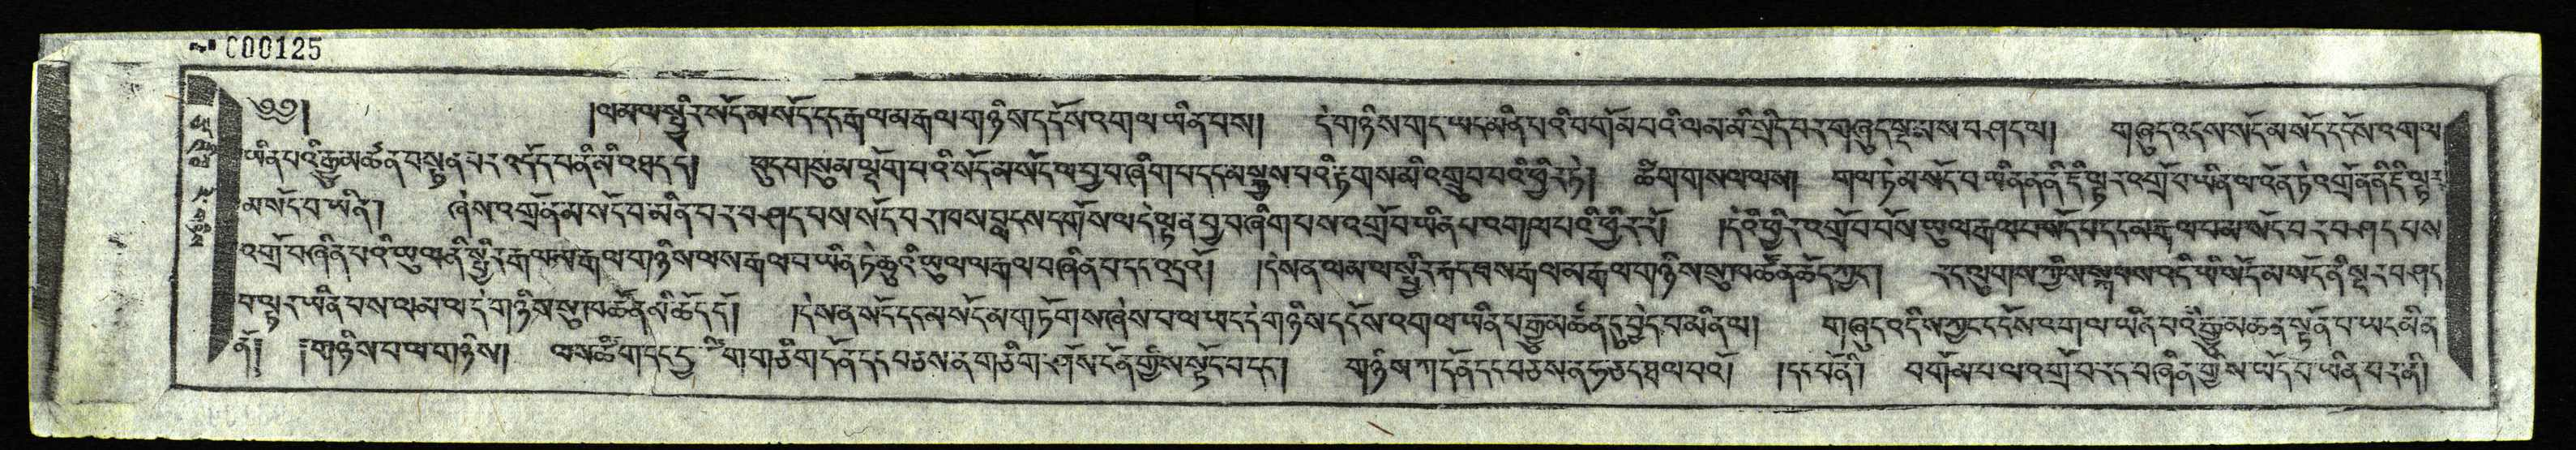༄༅། །ལམ་ལ་སྤྱིར་སོང་མ་སོང་དང་རྒལ་མ་རྒལ་གཉིས་དངོས་འགལ་ཡིན་པས། དེ་གཉིས་གང་ཡང་མིན་པའི་བགོམ་པའི་ལམ་མི་སྲིད་པར་གཞུང་སྔ་མས་བཤད་ལ། གཞུང་འདས་སོང་མ་སོང་དངོས་འགལ་
ཡིན་པའི་རྒྱུ་མཚན་བསྟན་པར་འདོད་པ་ནི་མི་འཐད་དེ། ཕུང་གསུམ་ལྡོག་པའི་སོང་མ་སོང་ལ་བྱ་བ་ཞིག་པ་དང་མ་སྐྱས་པའི་རྟགས་མི་འགྲུབ་པའི་ཕྱིར་ཏེ། ཚིག་གསལ་ལས། གལ་ཏེ་མ་སོང་བ་ཡིན་ན་ནི་ཇི་ལྟར་འགྲོ་བ་ཡིན་ལ་འོན་ཏེ་འགྲོ་ན་ནི་ཇི་ལྟར་
མ་སོང་བ་ཡིན། ཞེས་འགྲོ་ན་མ་སོང་བ་མིན་པར་བཤད་པས་སོང་བར་ཁས་བླངས་དགོས་ལ་དེ་ལྟ་ན་བྱ་བ་ཞིག་པས་འགྲོ་བ་ཡིན་པ་འགལ་བའི་ཕྱིར་རོ། །དེའི་ཕྱིར་འགྲོ་བ་པོས་ཡུལ་རྒལ་བ་སོང་པ་དང་མ་རྒལ་བ་མ་སོང་བར་བཤད་པས་
འགྲོ་བཞིན་པའི་ཡུལ་ནི་སྤྱིར་རྒལ་མ་རྒལ་གཉིས་ལས་རྒལ་བ་ཡིན་ཏེ་ཆུའི་ཡུལ་ལ་རྒལ་བཞིན་པ་དང་འདྲའོ། །དེས་ན་ལམ་ལ་སྤྱིར་རྐང་བས་རྒལ་མ་རྒལ་གཉིས་སུ་ཁ་ཚོན་ཆོད་ཀྱང་། རང་ལུགས་ཀྱིས་སྐབས་འདི་ཡི་སོང་མ་སོང་ནི་སྔར་བཤད་
པ་ལྟར་ཡིན་པས་ལམ་ལ་དེ་གཉིས་སུ་ཁ་ཚོན་མི་ཆོད་དོ། །དེས་ན་སོང་དང་མ་སོང་མ་གཏོགས་ཞེས་པ་ལ་ཡང་དེ་གཉིས་དངོས་འགལ་ཡིན་པ་རྒྱུ་མཚན་དུ་བྱེད་པ་མིན་ལ། གཞུང་འདིས་ཀྱང་དངོས་འགལ་ཡིན་པའི་རྒྱུ་མཚན་སྟོན་པ་ཡང་མིན་
ནོ༑ ༑གཉིས་པ་ལ་གཉིས། ལས་ཚིག་དང་བྱ་ཚིག་གཅིག་དོན་དང་བཅས་ན་གཅིག་ཤོས་ངོན་གྱིས་སྟོང་པ་དང་། གཉིས་ཀ་དོན་དང་བཅས་ན་ཧ་ཅང་ཐལ་བའོ། །དང་པོ་ནི། བགོམ་པ་ལ་འགྲོ་བ་རང་བཞིན་གྱིས་ཡོད་པ་ཡིན་པར་ནི།